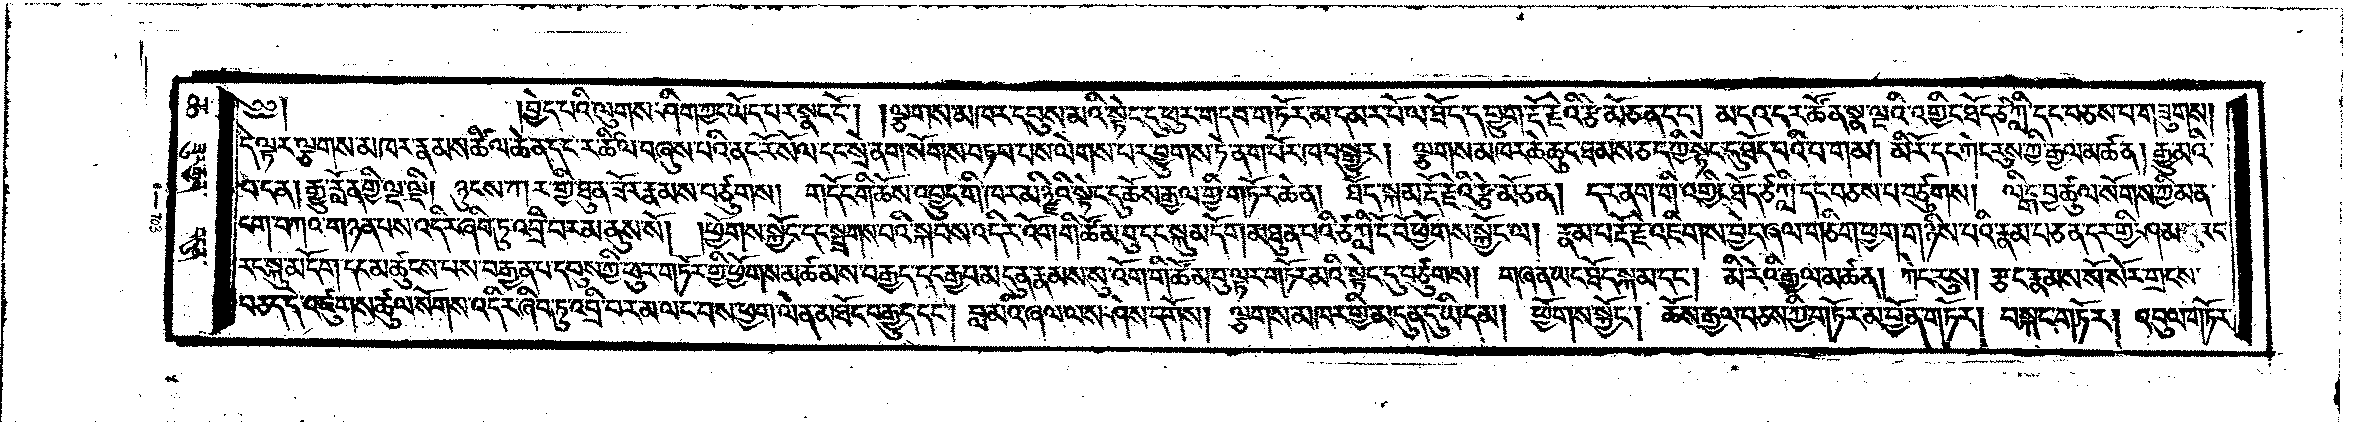༄༅། །བྱེད་པའི་ལུགས་ཤིག་ཀྱང་ཡོད་པར་སྣང་ངོ། །ལྕགས་མཁར་དབུས་མའི་སྟེང་དུ་ཕུར་གདབ་གཏོར་མ་དམར་པོ་ལ་ཐོད་དབྱུག་རྡོ་རྗེ་རྩེ་མོ་ཅན་དང་། མདའ་དར་ཙོན་སྣ་ལྔའི་འགྱིང་ཐོད་ཙཀླི་དང་བཅས་པ་གཟུགས།
དེ་ལྟར་ལྕགས་མཁར་རྣམས་ཚེལ་ཆེན་དར་ར་ཚིལ་བཞུས་པའི་ནང་རོ་སོལ་དང་སྲེ་ནག་སོགས་བཏབ་པས་ལེགས་པར་བྱུགས་ཏེ་ནག་པོར་ཁ་བསྒྱུར། ལྕགས་མཁར་ཆེ་ཆུང་ཐམས་ཅད་ཀྱི་སྟེང་དུ་ཐོད་པའི་བ་གམ། མི་རོ་དང་ཀེང་དུས་ཀྱི་རྒྱལ་མཚན། རྒྱུ་མའི་
བ་དན། རྒྱུ་རློན་གྱི་ལྔ་ལྡི། ཉུངས་ཀར་གྱི་ཐུན་ཟོར་རྣམས་བཙུགས། གདོང་གི་ཆོས་འབྱུང་གི་ཁར་མཉྫིའི་སྟེང་དུ་ཆོས་རྒྱལ་གྱི་གཏོར་ཆེན། ཐོད་སྐམ་རྡོ་རྗེའི་རྩེ་མོ་ཅན། དར་ནག་གི་འགྱིང་ཐོད་ཙཀླི་དང་བཅས་པ་བཙུགས། ལིངྒ་བྱ་ཚུལ་སོགས་ཀྱི་མན་
ངག་བཀའ་གཉན་པས་འདིར་ཞིབ་ཏུ་འབྲི་བར་མ་ནུས་སོ། །ཕྱོགས་སྐྱོང་དང་སྦྲགས་པའི་སྐབས་འདིར་འོག་གི་ཚོམ་བུ་དང་སྐུ་མདོག་མཐུན་པའི་ཙཀླི་ངོ་བོ་ཕྱོགས་སྐྱོང་ལ། རྣམ་པ་རྡོ་རྗེ་འཇིགས་བྱེད་ཞལ་གཅིག་ཕྱག་གཉིས་པའི་རྣམ་པ་ཅན་དར་གྱི་ཤམ་བུ་རང་
རང་སྐུ་མདོག་དང་མཚུངས་པས་བརྒྱན་པ་དབུས་ཀྱི་ཕུར་གཏོར་གྱི་ཕྱོགས་མཚམས་བརྒྱད་དང་རྒྱབ་མདུན་རྣམས་སུ་འོག་གི་ཚོམ་བུ་ལྟར་གཏོར་མའི་སྟེང་དུ་བཙུགས། གཞན་ཡང་ཐོད་སྐམ་དང་། མི་རེའི་རྒྱུ་མཚན། ཀེང་རུས། རྩད་རྣམས་སོ་སོར་གྲངས་
བཅད་དེ་འཛུགས་ཚུལ་སོགས་འདིར་ཞིབ་ཏུ་འབྲི་བར་མ་ལང་བས་ཕྱག་ལེན་མཐོང་བརྒྱུད་དང་། བླ་མའི་ཞལ་ལས་ཤེས་དགོས། ལྕགས་མཁར་གྱི་མདུན་དུ་ཡི་དམ། ཕྱོགས་སྐྱོང་། ཆོས་རྒྱལ་བཅས་ཀྱི་གཏོར་མ་བྱོན་གཏོར། བསྐད་གཏོར། འབུལ་གཏོར་